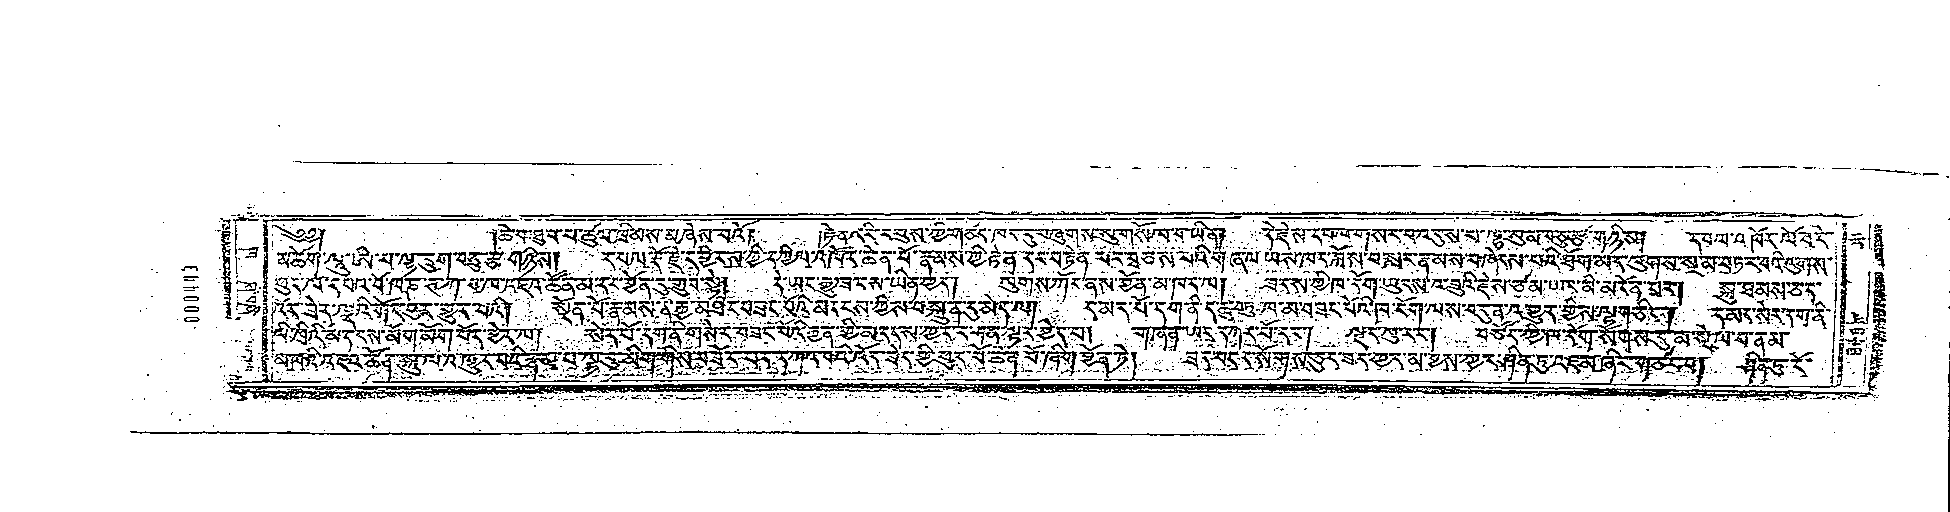༄༅། །ཆེ་བ་ཐུབ་པ་ཚུལ་ཁྲིམས་མ་ཞེས་བའོ། །རྟེན་འདི་དབུས་ཀྱི་གཙང་ཁང་དུ་བཞུགས་སུ་གསོལ་བ་ཡིན། དེ་རྗེས་དཔལ་གསང་བ་འདུས་པ་ལྷ་སུམ་བཅུ་རྩ་གཉིས། དཔལ་འཁོར་ལོ་བདེ་
མཆོག་ལཱུ་ཨི་པ་ལྷ་དྲུག་བཅུ་རྩ་གཉིས། དཔལ་རྡོ་རྗེ་དབྱིངས་ཀྱི་དཀྱིལ་འཁོར་ཆེན་པོ་རྣམས་ཀྱི་རྟེན་དང་བརྟེན་པར་བཅས་པའི་གཞལ་ཡས་ཁང་སྐོས་བསླང་རྣམས་བཞེངས་པའི་ཐོག་མར་ལུགས་སྔ་མ་བཏང་བའི་ལུགས་
ཕུང་ལ་དཔའ་བོ་ཁ་ཎ་ཊ་ཀ་པ་ཁ་འཇའ་ཚོན་མ་རང་བྱོན་དུ་གྲུབ་སྟེ། དེ་ཡང་རྒྱུ་ཟངས་ཡིན་ཀྱང་། ལུགས་ཀོང་ནས་བྱོན་མཁང་ལ། ཟངས་ཀྱི་ཁ་དོག་ཡུངས་ལ?་ཟུའི་རྗེས་ཙམ་ཡང་མི་མངོན་པར། སྐུ་ཐམས་ཅད་
འོད་ཟེར་ལྔའི་གོང་བུར་གྱུར་བའི། སྔོན་པོ་རྣམས་ན་རྒྱ་མཐང་བཟང་བོའི་མདངས་ཀྱིས་བསྐྲུན་དུ་མེད་ལ། དམར་པོ་དག་ནི་ང་ཆུ་བཏུ་ལམ་བཟང་པོའི་ཁ་དོག་ལས་བདུན་འགྱུར་གྱིས་ལྷག་ཅིང་། དམར་སེར་དག་ནི་
ལི་ཁྲིའི་མདངས་མོག་མོག་པོར་བྱེད་ལ། སེར་པོ་དག་ནི་གསེར་བཟང་པོའི་རྒྱན་གྱི་མདངས་ཀྱང་ར་ཤན་ལྟར་བྱེད་པ། གཞན་ཡང་དཀར་པོ་དང་། ལྗང་ཁུ་དང་། བཙོང་ཀྱི་ལ་དོག་སོགས་དུ་མ་སྤེལ་བ་ནམ་
མཁའི་འཇའ་ཚོན་སྐུ་ལ་འཁྱུང་པའི་རྣམ་པ་ལྟ་བུ་མིག་གིས་བཟོད་པར་དཀའ་བའི་འོད་ཟེར་གྱི་ཕུང་པོ་ཆེན་པོ་ཞིག་བྱོན་ཏེ། ཟད་བདར་སོགས་ཅུང་ཟད་ཀྱང་མ་བྱས་ཀྱང་ཤིན་ཏུ་འཇམ་ཞིང་གཙང་བ། ཤིན་ཏུ་ངོ་